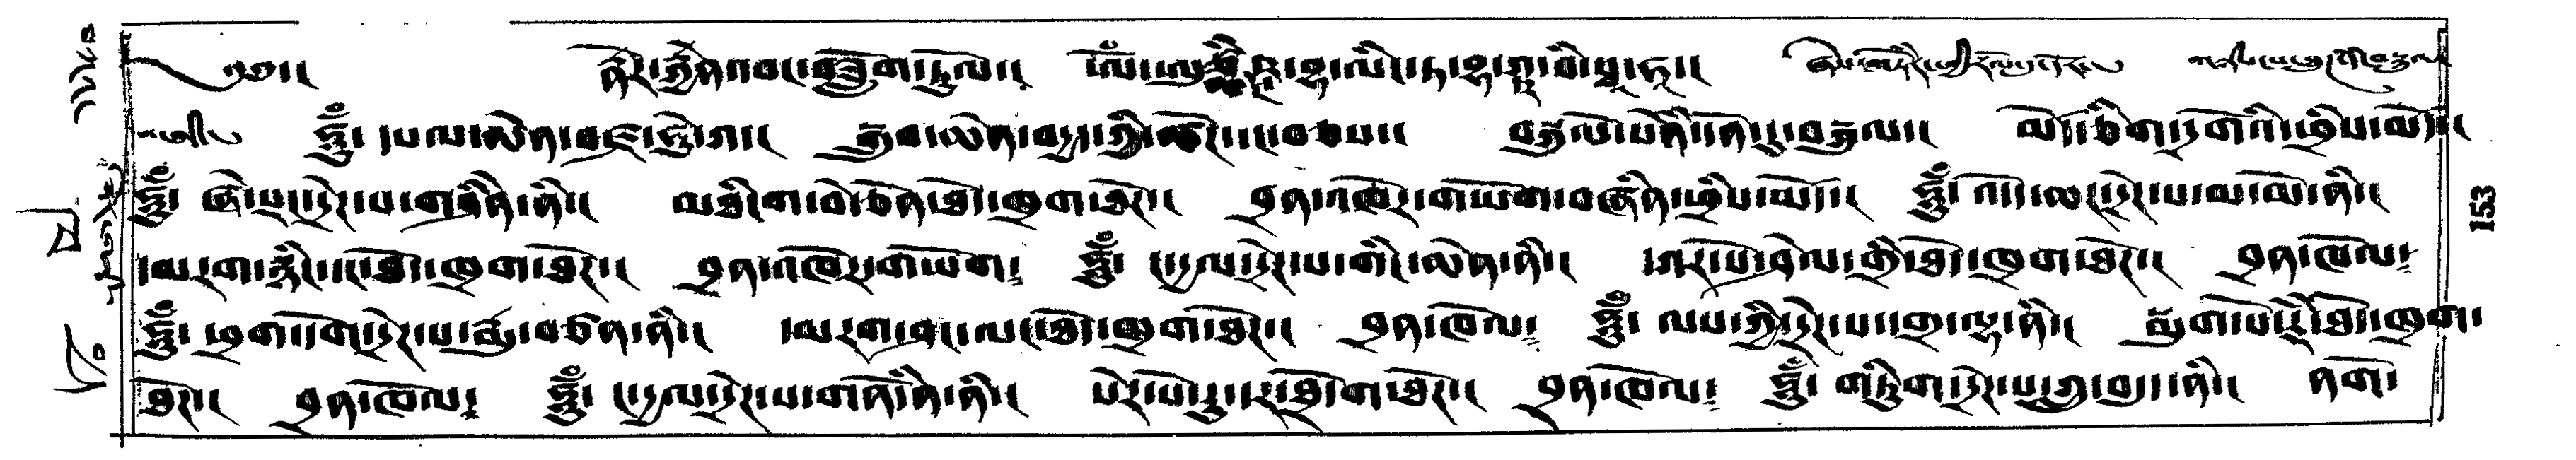རྣལ་འབྱོར་རྐྱེན་དབང་བཟློག་ཏུ་གསོལ། །ཨོཾ་ཨུཙྪི་ཥྚ་བྷ་ལི་ཏཾ་བྷཀྵབྷེ་སྭ་ཧཱ། ཞེས་གཏོར་མ་ཕྱི་རོལ་དུ་དོར། གཉིས་པ་ཐུགས་དམ་བསྐུལ་
བ་ནི། ཧཱུྃ། དཔལ་ཆེན་བཛྲ་ཧེ་རུ་ཀཿ སྒྲུབ་ཆེན་བརྒྱད་ཀྱི་ཚོགས་དང་བཅས། །བསྐུལ་ལོ་སེམས་ཅན་དོན་དུ་བསྐུལ། མཛོད་ཅིག་དྲག་པོའི་ཕྲིན་ལས་མཛོད།། 
ཧཱུྃ། ཞེ་སྡང་དྲེགས་པ་གཤིན་རྗེ་ནི། །མཐིང་ནག་བེ་ཅོན་ཐོད་ཁྲག་ཐོགས། །བྲན་འཁོར་གཡོག་བཞིན་ཕྲིན་ལས་མཛོད།། ཧཱུྃ། འདོད་ཆགས་དྲེགས་པ་མ་མོ་ནི། །
དམར་ནག་སྙིང་དང་ཐོད་ཁྲག་ཐོགས། །བྲན་འཁོར་གཡོག༴ ཧཱུྃ། ང་རྒྱལ་དྲེགས་པ་གིང་ཆེན་ནི། །དཀར་པོ་ཤེལ་གྲི་ཐོད་ཁྲག་ཐོགས། །བྲན་ཁོལ༴ 
ཧཱུྃ། ཕྲག་དོག་དྲེགས་པ་རྨུ་བཙན་ནི། །དམར་ནག་ཤང་ལང་ཐོད་ཁྲག་ཐོགས། །བྲན་ཁོལ༴ ཧཱུྃ། ལས་ཀྱི་དྲེགས་པ་དགྲ་ལྷ་ནི། །སྨུག་པོ་རྡོ་རྗེ་ཐོད་ཁྲག་
ཐོགས། །བྲན་ཁོལ༴ ཧཱུྃ། ང་རྒྱལ་དྲེགས་པ་གནོད་སྦྱིན་ནི། །སེར་པོ་རུ་དར་ཐོད་ཁྲག་ཐོགས། །བྲན་ཁོལ༴ ཧཱུྃ། གཏི་མུག་དྲེགས་པ་ཀླུ་བདུད་ནི། །ནག་པོ་